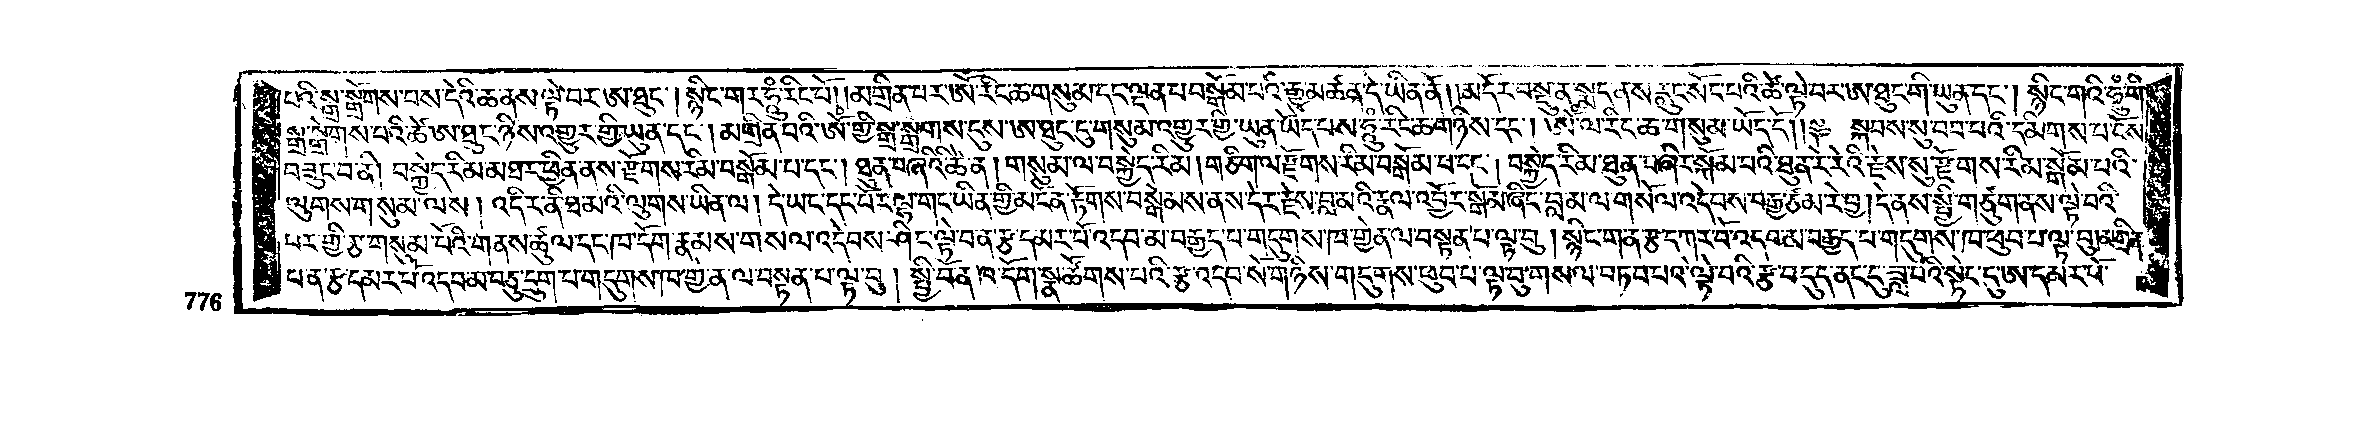པའི་སྒྲ་སྒྲོགས་པས་དེའི་ཆ་ནས་ལྟེ་བར་ཨ་ཐུང་། སྙིང་གར་ཧཱུཾ་རིང་པོ། །མགྲིན་པར་ཨོཾ་རིང་ཆ་གསུམ་དང་ལྡན་པ་བསྒོམ་པའི་རྒྱུ་མཚན་དེ་ཡིན་ནོ། །མདོར་བསྡུ་ན་སྨད་ནས་རླུང་སོང་བའི་ཚེ་ལྟེ་བར་ཨ་ཐུང་གི་ཡུན་དང་། སྙིང་གའི་ཧཱུཾ་གི་
སྒྲ་སྒྲོགས་པའི་ཚེ་ཨ་ཐུང་ཉིས་འགྱུར་གྱི་ཡུན་དང་། མགྲིན་པའི་ཨོཾ་གྱི་སྒྲ་སྒྲོགས་དུས་ཨ་ཐུང་དུ་གསུམ་འགྱུར་གྱི་ཡུན་ཡོད་པས་ཧཱུཾ་རིང་ཆ་གཉིས་དང་། ཨོཾ་ལ་རིང་ཆ་གསུམ་ཡོད་དོ།། ༈ །།སྐབས་སུ་བབ་པའི་དམིགས་པ་ངོས་
བཟུང་བ་ནི། བསྐྱེད་རིམ་མཐར་ཕྱིན་ནས་རྫོགས་རིམ་བསྒོམ་པ་དང་། ཐུན་བཞིའི་ཚེ་ན། གསུམ་ལ་བསྐྱེད་རིམ། གཅིག་ལ་རྫོགས་རིམ་བསྒོམ་པ་དང་། བསྐྱེད་རིམ་ཐུན་བཞིར་སྐོམ་པའི་ཐུན་རེ་རེའི་རྗེས་སུ་རྫོགས་རིམ་སྒོམ་པའི་
ལུགས་གསུམ་ལས། འདིར་ནི་ཐ་མའི་ལུགས་ཡིན་ལ། དེ་ཡང་དང་པོར་ལྷ་གང་ཡིན་གྱི་མངོན་རྟོགས་བསྒོམས་ནས་དེར་རྗེས་བླ་མའི་རྣལ་འབྱོར་སྒོམ་ཞིང་བླ་མ་ལ་གསོལ་འདེབས་བརྒྱ་ཙམ་རེ་བྱ། དེ་ནས་སྤྱི་གཙུག་ནས་ལྟེ་བའི་
བར་གྱི་རྩ་གསུམ་པོའི་གནས་ཚུལ་དང་ཁ་དོག་རྣམས་གསལ་འདེབས་ཤིང་ལྟེ་བ་ན་རྩ་དམར་པོ་འདབ་མ་བརྒྱད་པ་གདུགས་ཁ་གྱེན་ལ་བསྟན་པ་ལྟ་བུ། སྙིང་ག་ན་རྩ་དཀར་པོ་འདའ་མ་བརྒྱད་པ་གདུགས་ཁ་ཕུབ་པ་ལྟ་བུ། མགྲིན་
པ་ན་རྩ་དམར་པོ་འདབ་མ་བཅུ་དྲུག་པ་གདུགས་ཁ་གྱེན་ལ་བསྟན་པ་ལྟ་བུ། སྤྱི་བོ་ན་ཁ་དོག་སྣ་ཚོགས་པའི་རྩ་འདབ་སོ་གཉིས་གདུགས་ཕུབ་པ་ལྟ་བུ་གསལ་བཏབ་པའི་ལྟེ་བའི་རྩ་བདུད་ནང་དུ་ཟླ་བའི་སྟེང་དུ་ཨ་དམར་པོ་